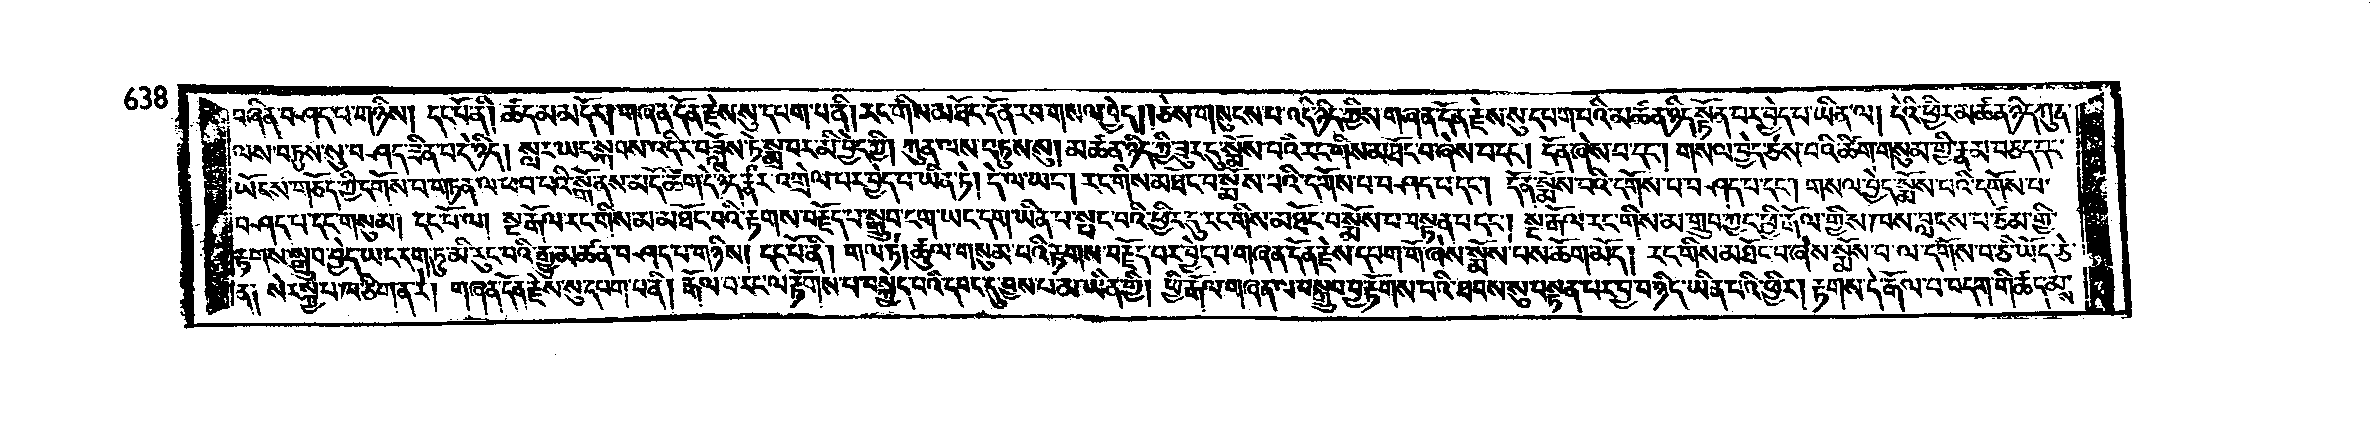བཞིན་བཤད་པ་གཉིས། དང་པོ་ནི། ཚད་མ་མདོར། གཞན་དོན་རྗེས་སུ་དཔག་པ་ནི། རང་གིས་མཐོང་དོན་རབ་གསལ་བྱེད། །ཅེས་གསུངས་པ་འདི་ཉིད་ཀྱིས་གཞན་དོན་རྗེས་སུ་དཔག་པའི་མཚན་ཉིད་སྟོན་པར་བྱེད་པ་ཡིན་ལ། དེའི་ཕྱིར་མཚན་ཉིད་ཀུན་
ལས་བཏུས་སུ་བཤད་ཟིན་པ་དེ་ཉིད། སླར་ཡང་སྐབས་འདིར་བཟློས་ཏེ་སྨྲ་བར་མི་བྱེད་ཀྱི། ཀུན་ལས་བཏུས་སུ། མཚན་ཉིད་ཀྱི་ཟུར་དུ་སྨོས་པའི་རང་གིས་མཐོང་བ་ཞེས་པ་དང་། དོན་ཞེས་པ་དང་། གསལ་བྱེད་ཅེས་པའི་ཚིག་གསུམ་གྱི་རྣམ་བཅད་དང་
ཡོངས་གཅོད་ཀྱི་དགོས་པ་གཏན་ལ་ཕབ་པའི་སྒོ་ནས་མདོ་ཚིག་དེ་ཉིད་རྣམ་པར་འགྲེལ་བར་བྱེད་པ་ཡིན་ཏེ། དེ་ལ་ཡང་། རང་གིས་མཐོང་བ་སྨོས་པའི་དགོས་པ་བཤད་པ་དང་། དོན་སྨོས་པའི་དགོས་པ་བཤད་པ་དང་། གསལ་བྱེད་སྨོས་པའི་དགོས་པ་
བཤད་པ་དང་གསུམ། དང་པོ་ལ། སྔ་རྒོལ་རང་གིས་མ་མཐོང་བའི་རྟགས་བརྗོད་པ་སྒྲུབ་ངག་ཡང་དག་ཡིན་པ་སྤང་བའི་ཕྱིར་དུ་རང་གིས་མཐོང་བ་སྨོས་པ་བསྟན་པ་དང་། སྔ་རྒོལ་རང་གིས་མ་གྲུབ་ཀྱང་ཕྱི་རྒོལ་གྱིས་ཁས་བླངས་པ་ཙམ་གྱི་
རྟགས་སྒྲུབ་བྱེད་ཡང་དག་ཏུ་མི་རུང་བའི་རྒྱུ་མཚན་བཤད་པ་གཉིས། དང་པོ་ནི། གལ་ཏེ། ཚུལ་གསུམ་པའི་རྟགས་བརྗོད་པར་བྱེད་པ་གཞན་དོན་རྗེས་དཔག་གོ་ཞེས་སྨོས་པས་ཆོག་མོད། རང་གིས་མཐོང་བ་ཞེས་སྨོས་པ་ལ་དགོས་པ་ཅི་ཡོད་ཅེ་
ན། སེར་སྐྱ་བ་ཁ་ཅིག་ན་རེ། གཞན་དོན་རྗེས་སུ་དཔག་པ་ནི། རྒོལ་བ་རང་ལ་རྟོགས་པ་བསྐྱེད་པའི་དབང་དུ་བྱས་པ་མ་ཡིན་གྱི། ཕྱི་རྒོལ་གཞན་ལ་བསྒྲུབ་བྱ་རྟོགས་པའི་ཐབས་སུ་བསྟན་པར་བྱ་བ་ཉིད་ཡིན་པའི་ཕྱིར། རྟགས་དེ་རྒོལ་བ་བདག་གི་ཚད་མས་